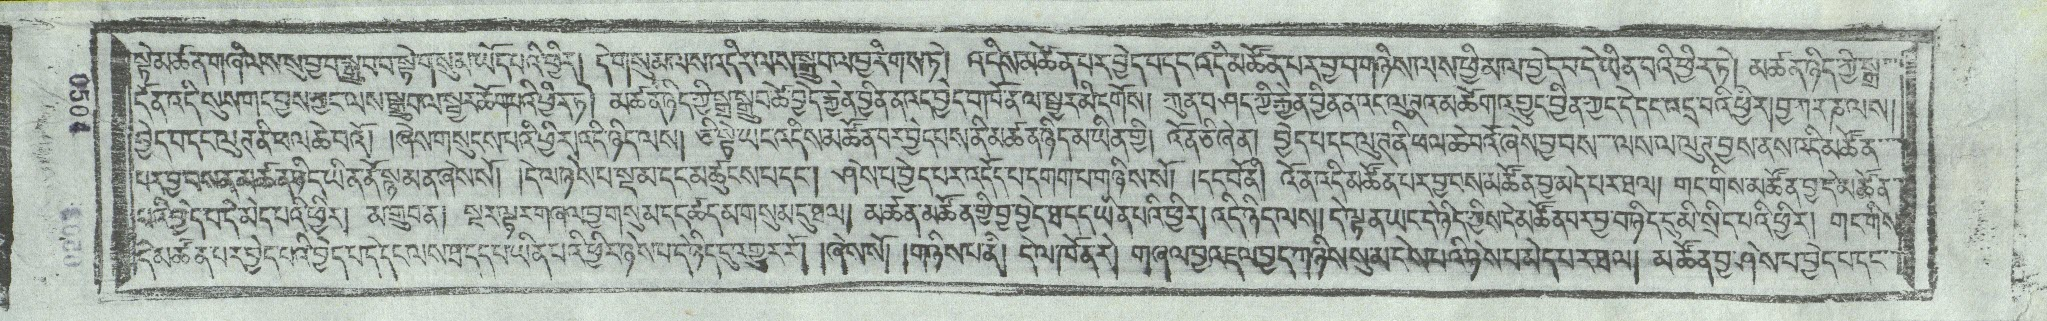སྟེ་མཚན་གཞི་ལས་སུ་བྱ་བ་སྒྲུབ་བ་སྟེ་གསུམ་ཡོད་པའི་ཕྱིར། དེ་གསུམ་ལས་འདིར་ལས་སྒྲུབ་ལ་བྱ་རིགས་ཏེ། འདིས་མཚོན་པར་བྱེད་པ་དང་འདི་མཚོན་པར་བྱ་བ་གཉིས་ལས་ཕྱི་མ་ལ་བྱེད་བ་དེ་ཡིན་པའི་ཕྱིར་ཏེ། མཚན་ཉིད་ཀྱི་སྒྲ་
དོན་འདི་སུས་གང་བྱས་ཀྱང་ལས་སྒྲུབ་ལ་སྦྱར་ཆོག་པའི་ཕྱིར་ཏེ། མཚན་ཉིད་ཀྱི་སྒྲ་སྒྲུབ་ཚེ་བྱེད་རྐྱེན་བྱིན་ནའང་བྱེད་བ་ཁོ་ན་ལ་སྦྱར་མི་དགོས། ཀུན་བཤད་ཀྱི་རྐྱེན་བྱིན་ནའང་ལུ་ཊཱ་མཆོག་འབྱུང་བྱིན་ཀྱང་དེ་དང་འདྲ་བའི་ཕྱིར། བྱ་ཀ་ར་ཎ་ལས།
བྱེད་བ་དང་ལུཊ་ནི་ཕལ་ཆེ་བའོ། །ཞེས་གསུངས་པའི་ཕྱིར། འདི་ཉིད་ལས། ཅི་སྟེ་ཡང་འདིས་མཚོན་བར་བྱེད་པས་ནི་མཚན་ཉིད་མ་ཡིན་གྱི། འོ་ན་ཅི་ཞེ་ན། བྱེད་པ་དང་ལུཊ་ནི་ཕལ་ཆེ་བའོ་ཞེས་བྱ་བས་ལས་ལ་ལུ་ཊ་བྱས་ནས་འདི་མཚོན་
པར་བྱ་བས་ན་མཚན་ཉིད་ཡིན་ནོ་སྙམ་ན་ཞེས་སོ། །དེ་ལ་ཉེས་པ་སྔ་མ་དང་མཚུངས་པ་དང་། ཤེས་པ་བྱེད་པར་འདོད་པ་དགག་པ་གཉིས་སོ། །དང་པོ་ནི། འོ་ན་འདི་མཚོན་པར་བྱ་བས་མཚོན་བྱ་མེད་པར་ཐལ། གང་གིས་མཚོན་བྱ་དེ་མཚོན་
པའི་བྱེད་བ་དེ་མེད་པའི་ཕྱིར། མ་གྲུབ་ན། སྔར་ལྟར་གཞལ་བྱ་གསུམ་དང་ཚད་མ་གསུམ་དུ་ཐལ། མཚན་མཚོན་གྱི་བྱ་བྱེད་ཐ་དད་ཡིན་པའི་ཕྱིར། འདི་ཉིད་ལས། དེ་ལྟ་ན་ཡང་དེ་ཉིད་ཀྱིས་དེ་མཚོན་པར་བྱ་བ་ཉིད་དུ་མི་སྲིད་པའི་ཕྱིར། གང་གིས་
དེ་མཚན་པར་བྱེད་པའི་བྱེད་པ་དེ་དང་ལས་ཐ་དད་པ་ཡིན་པའི་ཕྱིར་ཉེས་པ་དེ་ཉིད་དུ་འགྱུར་རོ། །ཞེས་སོ། །གཉིས་པ་ནི། དེ་ལ་ཁོ་ན་རེ། གཞལ་བྱ་འཇལ་བྱད་གཉིས་སུ་མ་ངེས་པའི་ཉེས་པ་མེད་པར་ཐལ། མཚོན་བྱ་ཤེས་པ་བྱེད་པ་དང་